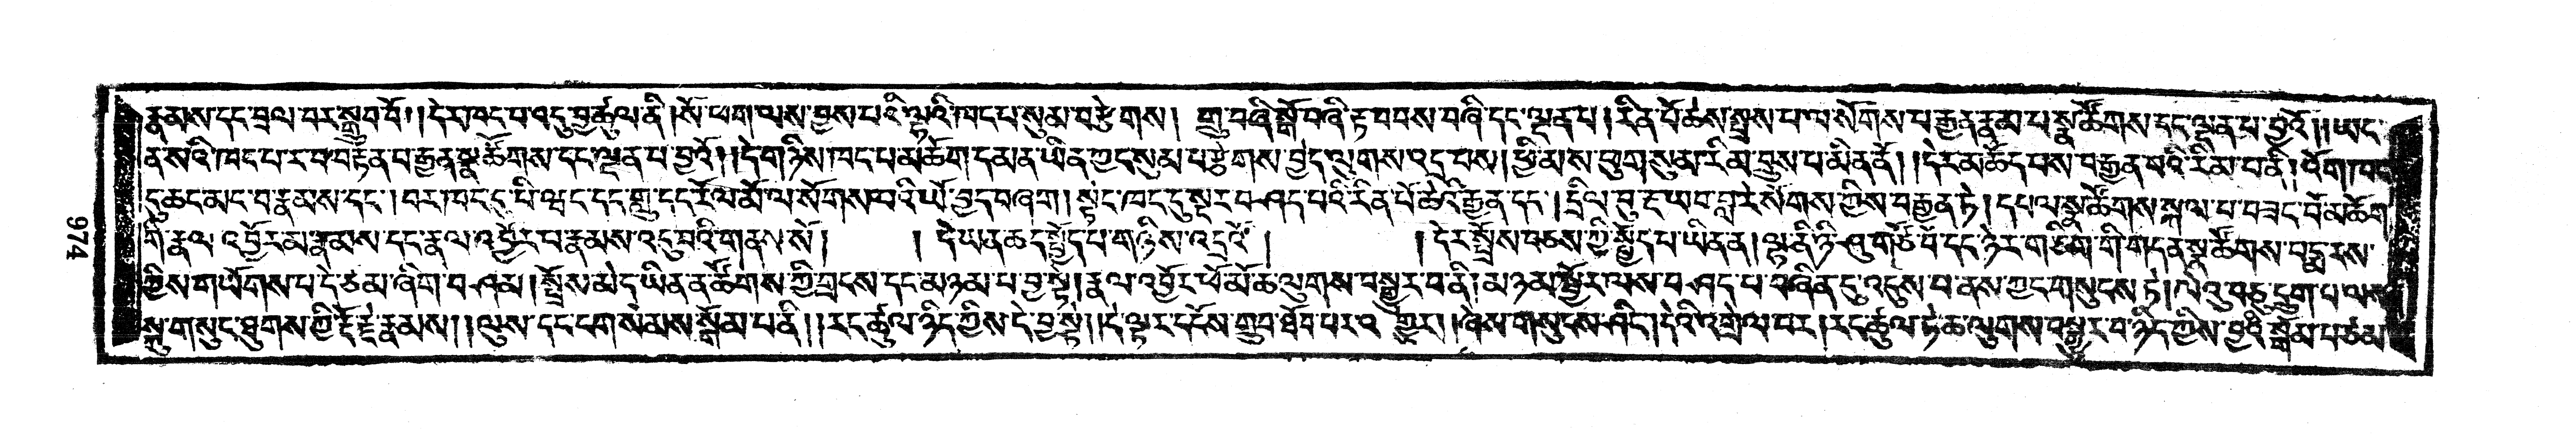རྣམས་དང་བྲལ་བར་སྒྲུབ་བོ། །དེར་ཁང་པ་འདུ་བྱ་ཚུལ་ནི། སོ་ཕག་ལས་བྱས་པའི་ལྷའི་ཁང་པ་སུམ་བརྩེགས། གྲུ་བཞི་སྒོ་བཞི་རྟ་བབས་བཞི་དང་ལྡན་པ། རིན་པོ་ཆེས་སྤྲས་པ་ལ་སོགས་པ་རྒྱན་རྣམ་པ་སྣ་ཚོགས་དང་ལྡན་པ་བྱའོ། །ཡང་
ན་སའི་ཁང་པ་ར་བ་བརྟན་པ་རྒྱན་སྣ་ཚོགས་དང་ལྡན་པ་བྱའོ། །དེ་གཉིས་ཁང་པ་མཆོག་དམན་ཡིན་ཀྱང་སུམ་པ་རྩེགས་བྱེད་ལུགས་འདྲ་བས། ཕྱི་མ་ས་ཕུག་སུམ་རིམ་བྲུས་པ་མིན་ནོ། །དེར་མཆོད་པས་བརྒྱན་པའི་རིམ་པ་ནི། འོག་ཁང་
དུ་ཚང་མང་བ་རྣམས་དང་། བར་ཁང་དུ་པི་ཝང་དང་གླུ་དང་རོལ་མོ་ལ་སོགས་པའི་ཡོ་བྱད་བཞག །སྟེང་ཁང་དུ་སྔར་བཤད་པའི་རིན་པོ་ཆེའི་རྒྱན་དང་། དྲིལ་བུ་རྔ་ཡབ་བླ་རེ་སོགས་ཀྱིས་བརྒྱན་ཏེ། དཔལ་སྣ་ཚོགས་སྐལ་པ་བཟང་པོ་མཆོག་
གི་རྣལ་འབྱོར་མ་རྣམས་དང་རྣལ་འབྱོར་པ་རྣམས་འདུ་བའི་གནས་སོ། །དེ་ཡན་ཆད་སྤྱོད་པ་གཉིས་འདྲའོ། །དེར་སྤྲོས་བཅས་ཀྱི་སྤྱོད་པ་ཡིན་ན། ལྷ་ནི་ཉི་ཤུ་གཙོ་བོ་དང་ཉེར་གཅིག་གི་གདན་སྣ་ཚོགས་པདམ་རས་
ཀྱིས་གཡོགས་པ་དེ་ཙམ་ཞིག་བཤམ། སྤྲོས་མེད་ཡིན་ན་ཚོགས་ཀྱི་གྲངས་དང་མཉམ་པ་བྱ་སྟེ། རྣལ་འབྱོར་ཕོ་མོ་ཆ་ལུགས་བསྒྱུར་བ་ནི། མཉམ་སྦྱོར་ལས་བཤད་པ་བཞིན་དུ་འདུས་པ་ནས་ཀྱང་གསུངས་ཏེ། ལེའུ་བཅུ་དྲུག་པ་ལས། །
སྐུ་གསུང་ཐུགས་ཀྱི་རྡོ་རྗེ་རྣམས། །ལུས་དང་ངག་སེམས་སྒོམ་པ་ནི། །རང་ཚུལ་ཉིད་ཀྱིས་དེ་བྱ་སྟེ། །དེ་ལྟར་དངོས་གྲུབ་ཐོབ་པར་འགྱུར། །ཞེས་གསུངས་ཤིང་། དེའི་འགྲེལ་པར། རང་ཚུལ་ཏེ་ཆ་ལུགས་བསྒྱུར་བ་ཉིད་ཀྱིས་བྱའི་སྒོམ་པ་ཙམ་